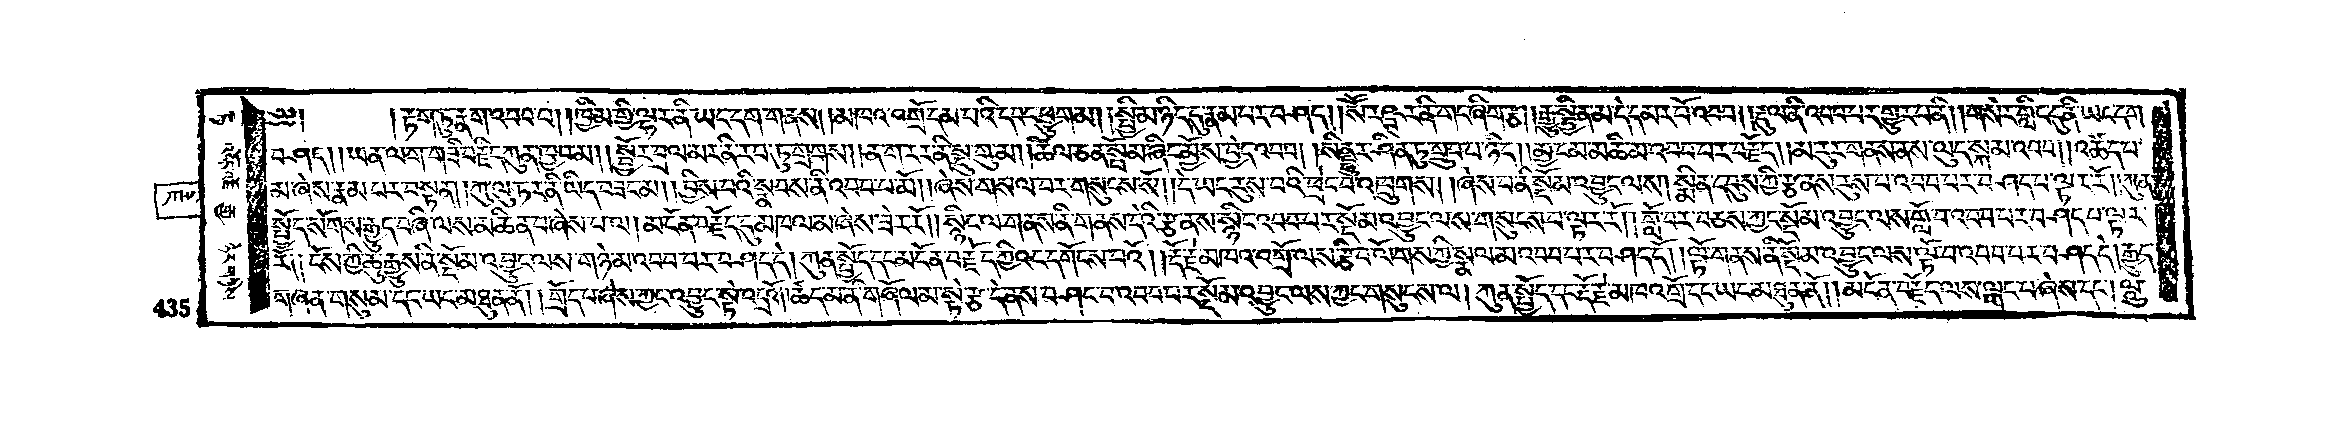༄༅། །རྟག་ཏུ་རྣག་འབབ་པ། །ཁྱིམ་གྱི་ལྷར་ནི་ཡང་དག་གནས། །མཁའ་འགྲོ་དམ་པའི་དབང་ཕྱུག་མ། །སྤྱི་མ་ཉིད་དུ་རྣམ་པར་བཤད། །སཽ་རཥྚར་ནི་གང་ཞིག་རྩ། །རྒྱུ་སྦྱིན་མ་དེ་དམར་པོ་འབབ། །རྡུལ་ནི་འབབ་པར་གྱུར་པ་ནི། །གསེར་གླིང་དུ་ནི་ཡང་དག་
བཤད། །ཡན་ལག་གཟི་བརྗིད་ཀུན་ཁྱབ་མ། །སྦྱོར་བྲལ་མར་ནི་རབ་ཏུ་གྲགས། །ན་ག་རར་ནི་སྡུ་གུ་མ། །ཚིལ་ཅན་སྒོམ་ཞིང་མྱོས་བྱེད་འབབ། །སིནྡྷུར་ཤིན་ཏུ་གྲུབ་པ་ཉིད། །མྱ་ངམ་མཆི་མ་འབབ་པར་བརྗོད། །མ་རུར་གནས་ནས་ལུད་སྐམ་འབབ། །འཚེད་པ་
མ་ཞེས་རྣམ་པར་བསྟན། །ཀུ་ལུ་ཏར་ནི་ཡིད་བཟང་མ། །བྱིས་པའི་སྣབས་ནི་འབབ་པ་མོ། །ཞེས་གསལ་བར་གསུངས་སོ། །དེ་ཡང་རུས་པའི་ཕྲེང་བ་འཁྲུགས། །ཞེས་པ་ནི་སྡོམ་འབྱུང་ལས། སྨིན་དབུས་ཀྱི་རྩ་ནས་རུས་པ་འབབ་པར་བཤད་པ་ལྟར་རོ། །ཀུན་
སྤྱོད་སོགས་རྒྱུད་བཞི་ལས་མཆིན་པ་ཞེས་པ་ལ། མངོན་བརྗོད་དུ་མཁལ་མ་ཞེས་ཟེར་རོ། །སྙིང་ལ་གནས་ནི་གནས་དེའི་རྩ་ནས་སྙིང་འབབ་པར་སྡོམ་འབྱུང་ལས་གསུངས་པ་ལྟར་རོ། །གློ་བར་བཅས་ཀྱང་སྡོམ་འབྱུང་ལས་གློ་བ་འབབ་པར་བཤད་པ་ལྟར་
རོ། །ངོས་ཀྱི་ཆུ་རྒྱུས་ནི་སྡོམ་འབྱུང་ལས་གཉེ་མ་འབབ་པར་བཤད་དེ། ཀུན་སྤྱོད་དང་མངོན་བརྗོད་ཀྱིའང་དགོངས་པའོ། །རྡོ་རྗེ་མཁའ་འགྲོ་ལས་རྩིབ་ལོགས་ཀྱི་སྣལ་མ་འབབ་པར་བཤད་དོ། །ལྟོ་གནས་ནི་སྡོམ་འབྱུང་ལས་ལྟོ་བ་འབབ་པར་བཤད་དེ། རྒྱུད་
གཞན་གསུམ་དང་ཡང་མཐུན་ནོ། །གྲོད་པ་ཞེས་ཀྱང་འབྱུང་སྟེ་འདྲའོ། །ཚད་མ་ནི་གཞོལ་མ་སྟེ་རྩ་དེ་ནས་བཤང་བ་འབབ་པར་སྡོམ་འབྱུང་ལས་ཀྱང་གསུངས་ལ། ཀུན་སྤྱོད་དང་རྡོ་རྗེ་མཁའ་འགྲོ་དང་ཡང་མཐུན་ནོ། །མངོན་བརྗོད་ལས་ལྒང་པ་ཞེས་དང་། ལཱུ་